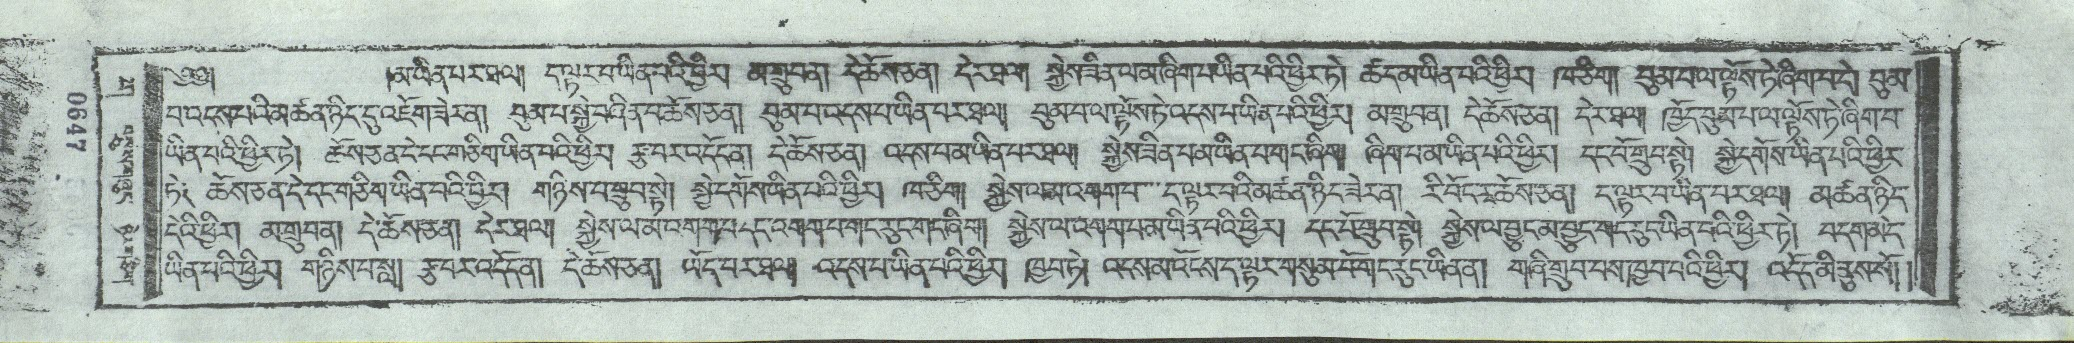༄༅། །མ་ཡིན་པར་ཐལ། ད་ལྟར་བ་ཡིན་པའི་ཕྱིར། མ་གྲུབ་ན། དེ་ཆོས་ཅན། དེར་ཐལ། སྐྱེས་ཟིན་ལ་མ་ཞིག་པ་ཡིན་པའི་ཕྱིར་ཏེ། ཚད་མ་ཡིན་པའི་ཕྱིར། ཁ་ཅིག། བུམ་པ་ལ་ལྟོས་ཏེ་ཞིག་པ་དེ། བུམ་
བ་འདས་པའི་མཚན་ཉིད་དུ་འཇོག་ཟེར་ན། བུམ་པ་སྐྱེ་བཞིན་པ་ཆོས་ཅན། བུམ་པ་འདས་པ་ཡིན་པར་ཐལ། བུམ་བ་ལ་ལྟོས་ཏེ་འདས་པ་ཡིན་པའི་ཕྱིར། མ་གྲུབ་ན། དེ་ཆོས་ཅན། དེར་ཐལ། ཁྱོད་བུམ་པ་ལ་ལྟོས་ཏེ་ཞིག་བ་
ཡིན་པའི་ཕྱིར་ཏེ། ཆོས་ཅན་དེ་དང་གཅིག་ཡིན་པའི་ཕྱིར། རྩ་བར་འདོད་ན། དེ་ཆོས་ཅན། འདས་པ་མ་ཡིན་པར་ཐལ། སྐྱེས་ཟིན་པ་མ་ཡིན་པ་གང་ཞིག། ཞིག་པ་མ་ཡིན་པའི་ཕྱིར། དང་པོ་གྲུབ་སྟེ། སྐྱེ་དགོས་ཡིན་པའི་ཕྱིར་
ཏེ༑ ཆོས་ཅན་དེ་དང་གཅིག་ཡིན་པའི་ཕྱིར། གཉིས་པ་གྲུབ་སྟེ། སྐྱེ་དགོས་ཡིན་པའི་ཕྱིར། ཁ་ཅིག། སྐྱེས་ལ་མ་འགག་པ་ད་ལྟར་བའི་མཚན་ཉིད་ཟེར་ན། རི་བོང་རྭ་ཆོས་ཅན། ད་ལྟར་བ་ཡིན་པར་ཐལ། མཚན་ཉིད་
དེའི་ཕྱིར། མ་གྲུབ་ན། དེ་ཆོས་ཅན། དེར་ཐལ། སྐྱེས་ལ་མ་འགག་པ་དང་འགག་པ་གང་རུང་གང་ཞིག། སྐྱེས་ལ་འགག་པ་མ་ཡིན་པའི་ཕྱིར། དང་པོ་གྲུབ་སྟེ། སྐྱེས་ལ་བྱུང་མ་བྱུང་གང་རུང་ཡིན་བའི་ཕྱིར་ཏེ། བདག་མེད་
ཡིན་པའི་ཕྱིར། གཉིས་བ་སླ། རྩ་བར་འདོད་ན། དེ་ཆོས་ཅན། ཡོད་པར་ཐལ། འདས་པ་ཡིན་པའི་ཕྱིར། ཁྱབ་ཏེ། འདས་མ་འོངས་ད་ལྟར་གསུམ་པོ་གང་རུང་ཡིན་ན། གཞི་གྲུབ་པས་ཁྱབ་པའི་ཕྱིར། འདོད་མི་ནུས་སོ། །